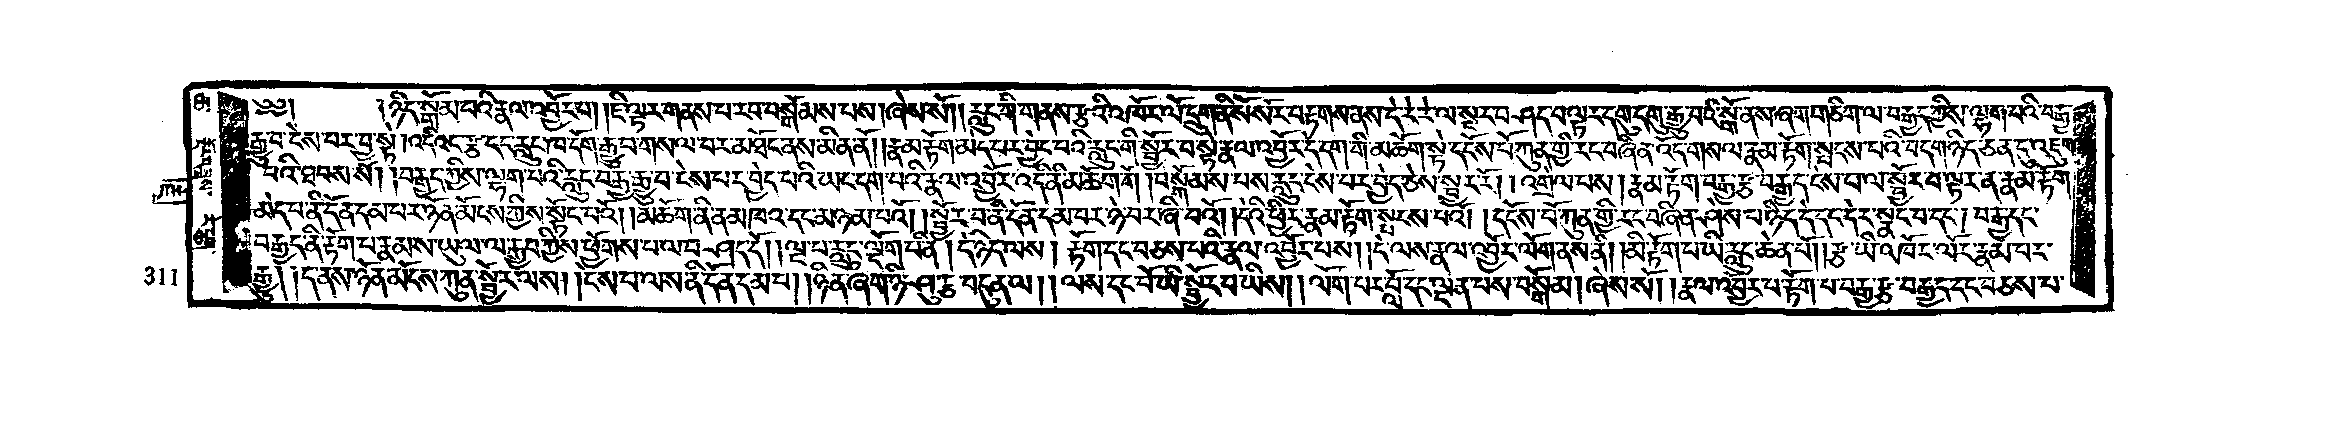༄༅། །ཉིད་སྒོམ་པའི་རྣལ་འབྱོར་པ། །ཇི་ལྟར་གནས་པ་རབ་བསྒོམས་པས། ཞེས་སོ། །རླུང་གི་གནས་རྩའི་འཁོར་ལོ་དྲུག་ནི་སོ་སོར་བརྟགས་ནས་དེ་རེ་རེ་ལ་སྔར་བཤད་པ་ལྟར་དགུ་དགུ་རྒྱུ་བའི་སྒོ་ནས་ཞག་གཅིག་ལ་བརྒྱད་ཀྱིས་ལྷག་པའི་བརྒྱ་
རྒྱུ་བ་ངེས་པར་བྱ་སྟེ། འདིའང་རྩ་དང་རླུང་ཁ་དོག་རྒྱུ་བ་གསལ་བར་མཐོང་ནས་མིན་ནོ། །རྣམ་རྟོག་མེད་པར་བྱེད་པའི་རླུང་གི་སྦྱོར་བ་སྟེ་རྣལ་འབྱོར་དེ་དག་གི་མཆོག་སྟེ་དངོས་པོ་ཀུན་གྱི་རང་བཞིན་འོད་གསལ་རྣམ་རྟོག་སྤངས་པའི་བདག་ཉིད་ཅན་དུ་འཇུག་
པའི་ཐབས་སོ། །བརྒྱད་ཀྱིས་ལྷག་པའི་རླུང་བརྒྱ་རྒྱུ་བ་ངེས་པར་བྱེད་པའི་ཡང་དག་པའི་རྣལ་འབྱོར་འདི་ནི་མཆོག་གོ །བསྒོམས་པས་རླུང་ངེས་པར་བྱེད་ཅེས་སྦྱར་རོ། །འགྲེལ་པས། རྣམ་རྟོག་བརྒྱ་རྩ་བརྒྱད་ངེས་པ་ལ་སྦྱོར་བ་ལྟར་ན་རྣམ་རྟོག་
མེད་པ་ནི་དོན་དམ་པར་ཉོན་མོངས་ཀྱིས་སྟོང་པའོ། །མཆོག་ནི་ནམ་མཁའ་དང་མཉམ་པའོ། །སྦྱོར་བ་ནི་དོན་དམ་པར་ཉེ་བར་ཞི་བའོ། །དེའི་ཕྱིར་རྣམ་རྟོག་སྤངས་པའོ། །དངོས་པོ་ཀུན་གྱི་རང་བཞིན་ཤེས་པ་ཉིད་དེ་དང་དེར་སྣང་བ་དང་། བརྒྱ་དང་
བརྒྱད་ནི་རྟོག་པ་རྣམས་ཡུལ་ལ་རྒྱབ་ཀྱིས་ཕྱོགས་པ་ལ་བཤད་དོ། །ལྔ་པ་རླུང་ལྡོག་པ་ནི། དེ་ཉིད་ལས། རྟོག་དང་བཅས་པའི་རྣལ་འབྱོར་པས། །དེ་ལས་རྣལ་འབྱོར་ལོག་ནས་ནི། །མི་རྟོག་པ་ཡི་རླུང་ཆེན་པོ། །རྩ་ཡི་འཁོར་ལོར་རྣམ་པར་
རྒྱུ། །དེ་ནས་ཉོན་མོངས་ཀུན་སྦྱོར་ལས། །ངེས་པ་ལས་ནི་དོན་དམ་པ། །ཉིན་ཞག་ཉི་ཤུ་རྩ་བདུན་ལ། །ལས་དང་པོ་ཡི་སྦྱོར་བ་ཡིས། །ལོག་པར་བློ་དང་ལྡན་པས་བསྒོམ། ཞེས་སོ། །རྣལ་འབྱོར་པ་རྟོག་པ་བརྒྱ་རྩ་བརྒྱད་དང་བཅས་པ་